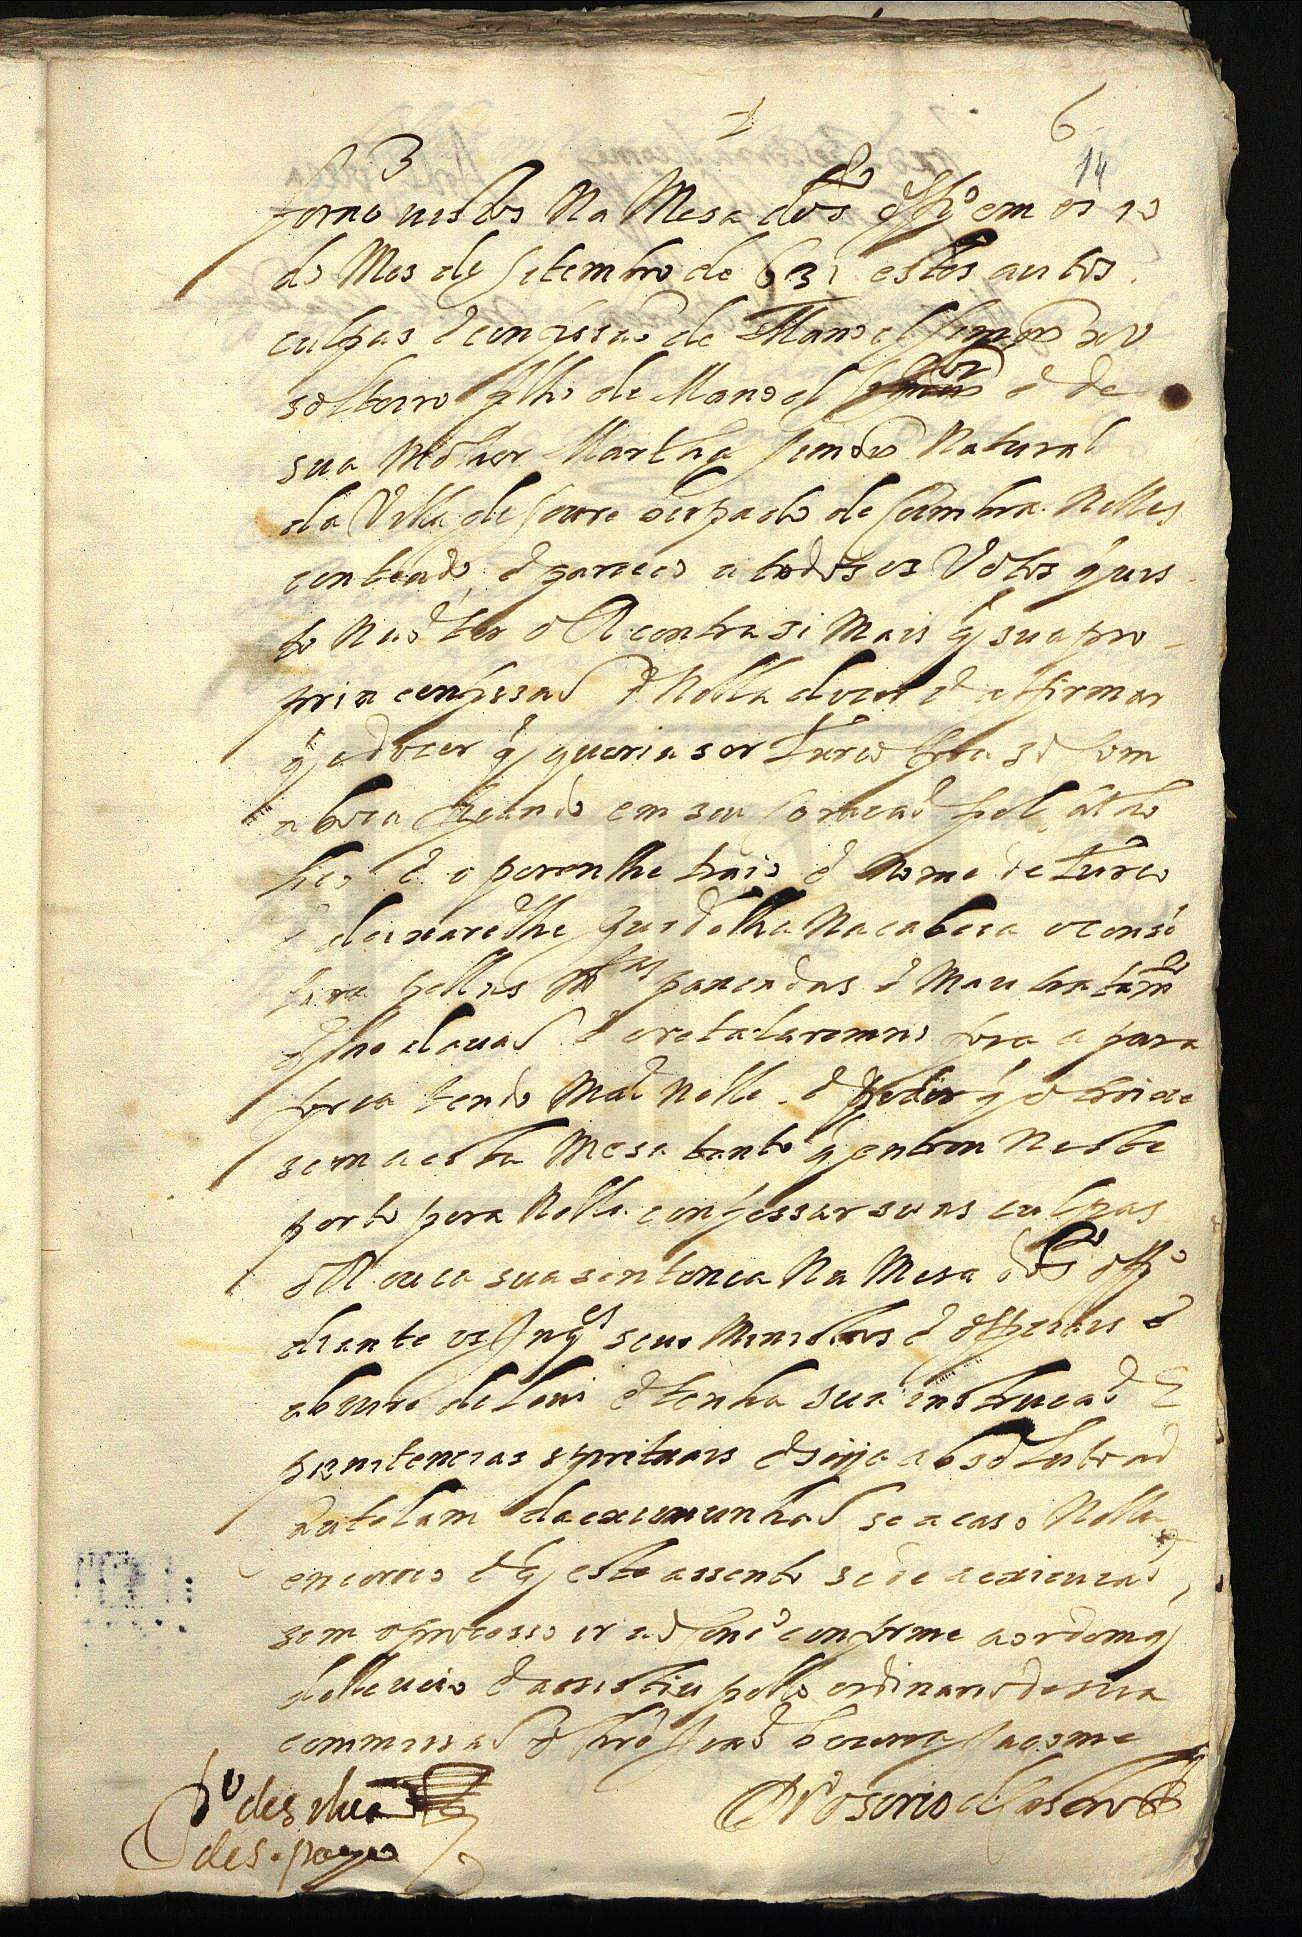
foraõ uistos na mesa do sto offo em os 10
do mes de Setembro de 631 estes autos
culpas e confissaõ de Manoel Simoĩs xv
solteiro filho de Manoel _ glz̄ e de
sua molher Martha Simoĩs natural
da Villa de Soure bispado de Coimbra nelles
conteudo, e pareceo a todos os Votos q̄ uis
to naõ ter o R. contra si mais q̄ sua pro
pria confissaõ e nella dizer e affirmar
q̄ o dizer q̄ queria ser Turco foi so Com
a boca ficando em seu Coraçaõ fiel Catho
lico e o porenlhe traio e nome de turco
e deixarēlhe guedelha na cabeça o consē
tira pellas mtas pancadas e mau tratamto
q̄ lhe dauaõ e o retalaremno fora a pura
forca tendo maõ nelle E pedir q̄ o troixe
sem a esta mesa tanto q̄ entrou neste
porto pera nella confessar suas culpas
o R ouca sua sentença na mesa do sto offo
diante os Jnqes seus ministros e officiais e
abiure de leui e tenha sua instruçaõ E
penitencias spirituais e seija absoluto ad
Cautelam da excomunhaõ se acaso nella
encorreo e q̄ este assento se de a exicuçaõ
sem o processo ir ao Conso conforme a ordem q̄
delle ueio e assistiu pello ordinario de sua
commissaõ o Chrē Joaõ bezerra Jacome
